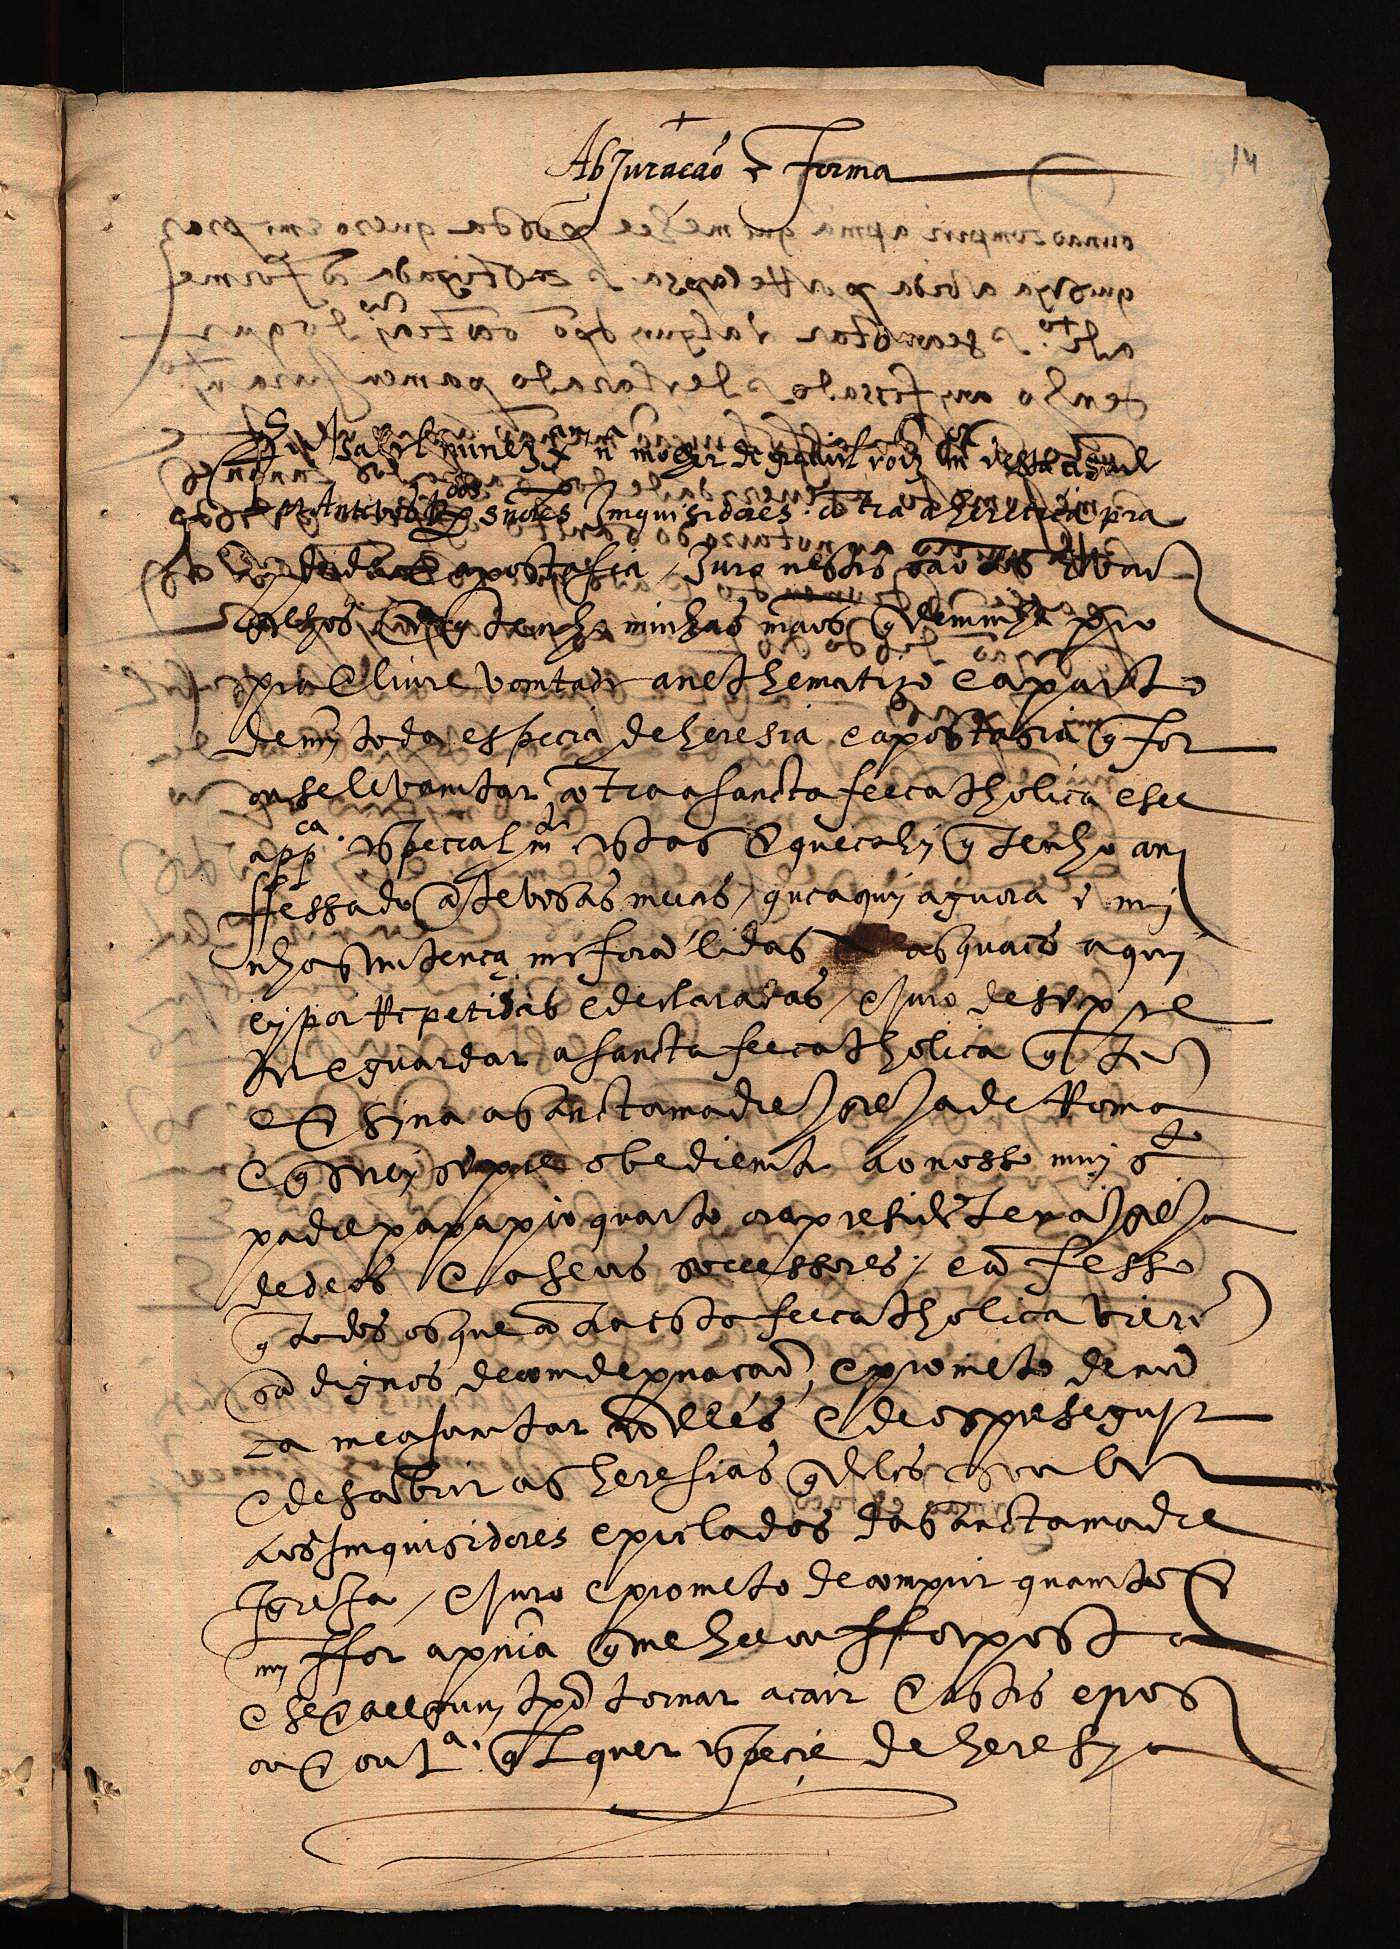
AbJuraçaõ ē forma
Eu Isabel nunez xam na molher de grauiel roiz mor nesta cidade
PerAnte vos Rꝭdos snōres Jmquisidores cōtra a heretica pra
vjdade e apostasia / Juro nestes sãotos evan
gelhos ē q̄ tenho minhas mãos q̄ de minha pro
pria e liure vomtade anethematizo e aparto
de mj̄ toda especia de heresia e apostasia q̄ for
ou se levamtar cōtra a sancta fee catholica e see
appca. especialmte estas ē que cahy q̄ tenho con
ffessado āte vosas merces / que aquy aguora ē mj
nha semtença me forā lidas _ as quaes aquj
ej por Repetidas e declaradas / e Juro de sēpre
ter e guardar a sancta fee catholica q̄ tē
e ēsjna a sancta madre JgreJa de Roma
e q̄ serey sēpre obediemte ao nosso muy sto
padre papa pio quarto ora presidēte na JgreJa
de deos e a seus soccessores. / e cōfesso
q̄ todos os que cōtra esta fee catholica vierē
sā dignos de comdepnaçaõ, e prometo de nū
ca me aJumtar cō elles e de os presegujr
e descobrir as heresias q̄ delles souber
aos Jmquisidores e prelados da sancta madre
JgreJa / e Juro e prometo de comprir quamto ē
mȳ ffor a pnīa q̄ me hee ou ffor posta
e se ē allgum tpō tornar a cair ē estes erros
ou ē outa q̄Lquer espeçie de heresja
